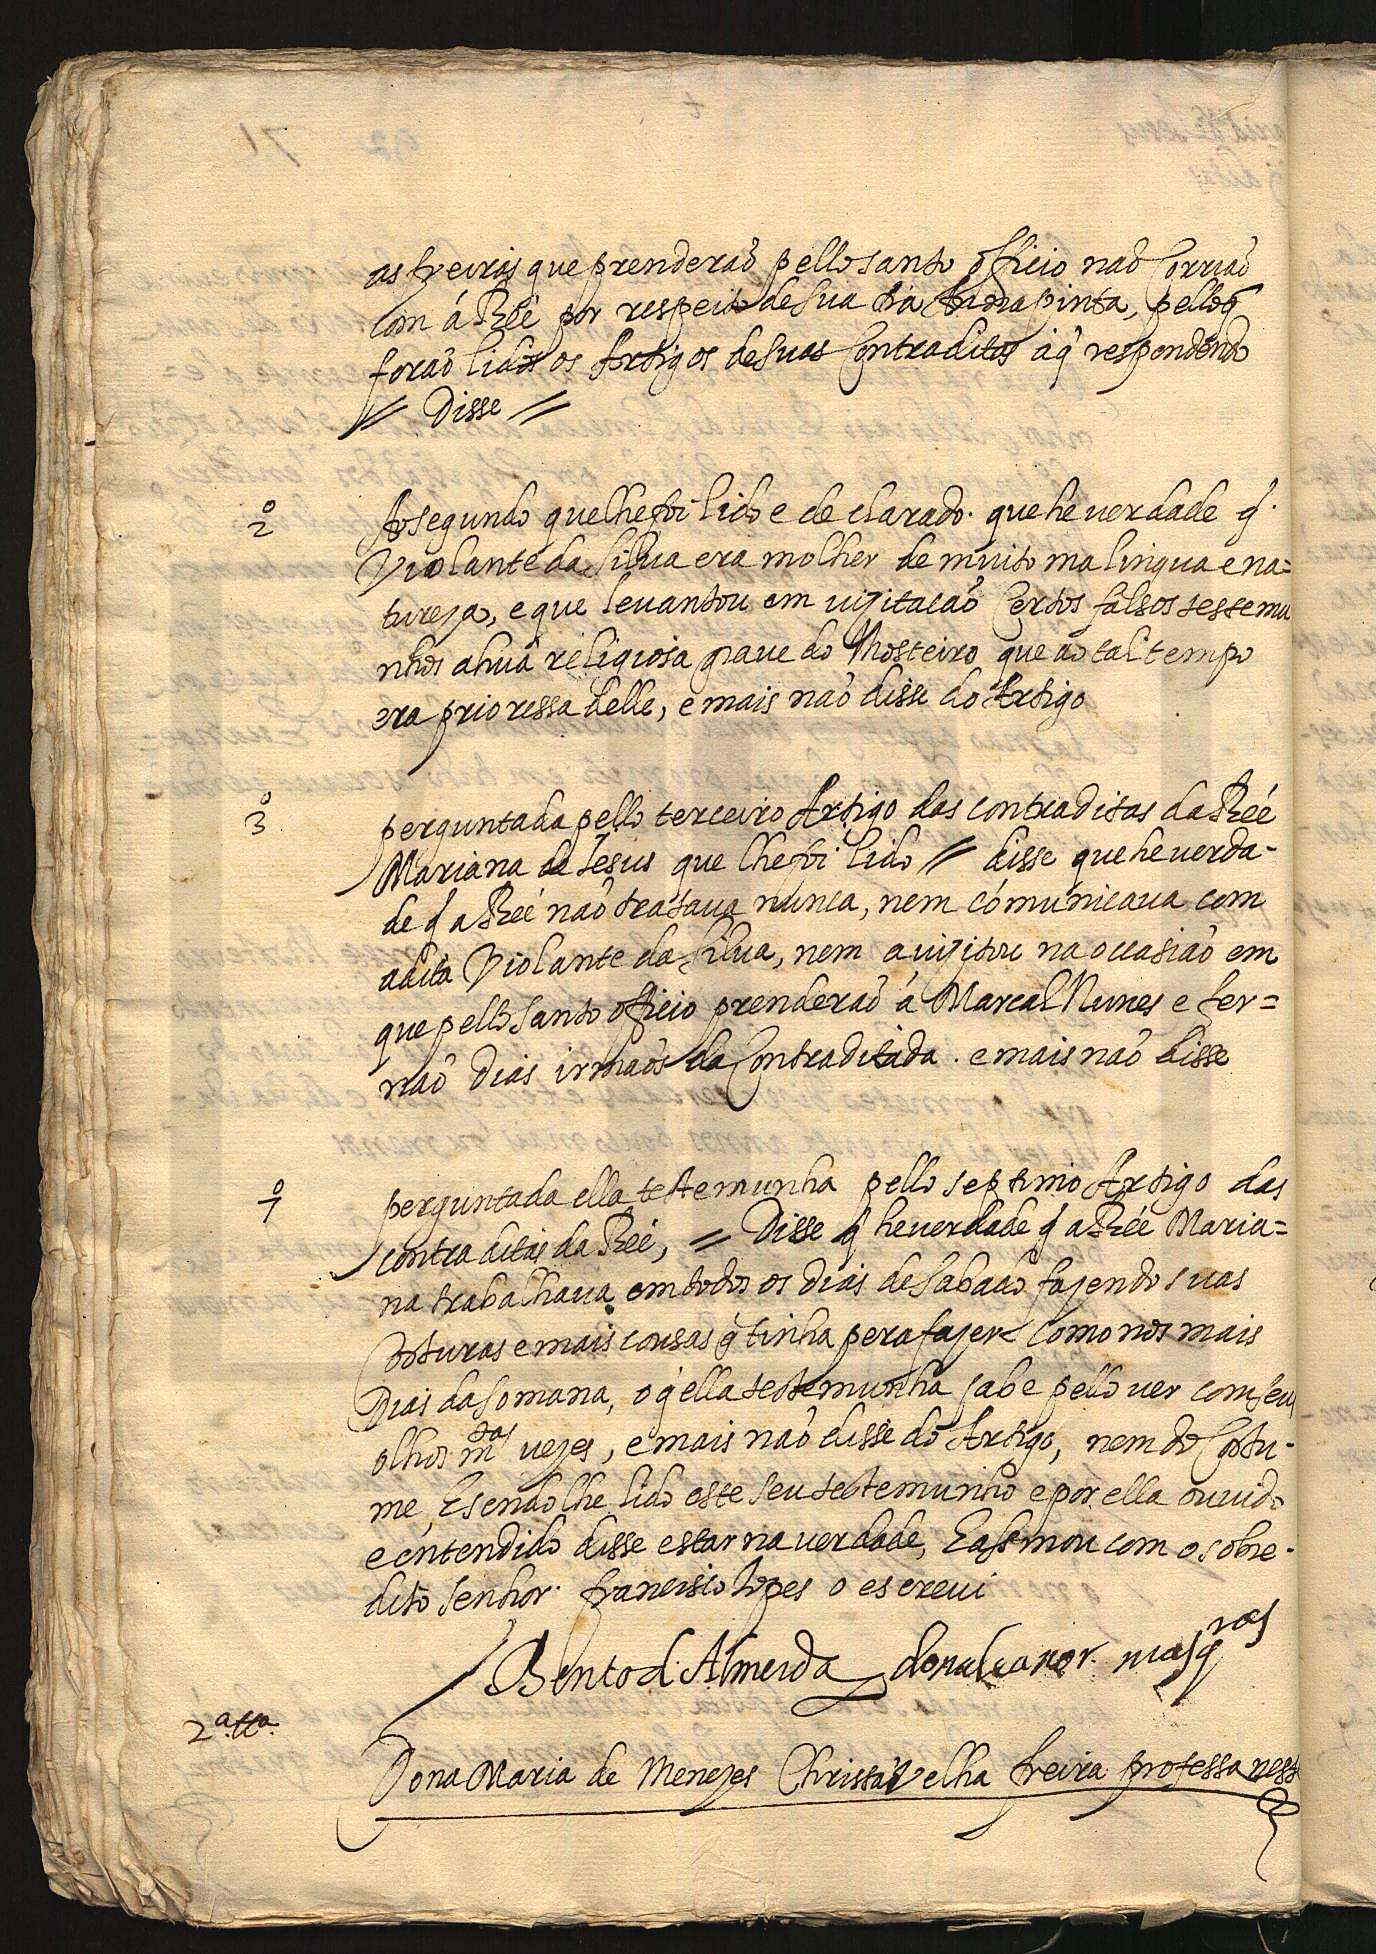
as freiras que prenderaõ pello santo officio naõ Corriaõ
com a Reé por respeito de sua tia Anna pinta, pello q̄
foraõ lidos os Artigos de suas Contraditas a q̄ respondendo
// Disse //
2o Ao segundo que lhe foi lido e declarado. que he uerdade q̄.
Violante da Silua era molher de muito ma lingua e na
tureza, e que leuantou em uizitacaõ Certos falsos testemu
nhos a huā religiosa graue do Mosteiro que ao tal tempo
era prioressa delle, e mais naõ disse do Artigo
3o perguntada pello terceiro Artigo das contraditas da Reé
Mariana de Iesus que lhe foi lido // disse que he uerda
de q̄ a Reé naõ trataua nunca, nem cōmunicaua com
a dita Violante da Silua, nem a uizitou na occasiaõ em
que pello santo officio prenderaõ a Marcal Nunes e fer
naõ dias irmaõs da Contraditada. e mais naõ disse
7o perguntada ella testemunha pello septimo Artigo das
contraditas da Reé, = Disse q̄ he uerdade q̄ a Rée Maria
na trabalhaua em todos os dias de sabado fazendo suas
Costuras e mais cousas q̄ tinha pera fazer como nos mais
dias da somana, o q̄ ella testemunha sabe pello uer com seus
olhos mtas uezes, e mais naõ disse do Artigo, nem do Costu
me, E sendolhe lido este seu testemunho e por ella ouuido
e entendido disse estar na uerdade, E assinou com o sobre
dito Senhor francisco lopes o escreui
2a. tta.
Dona Maria de Menezes Christā Velha freira professa nest
